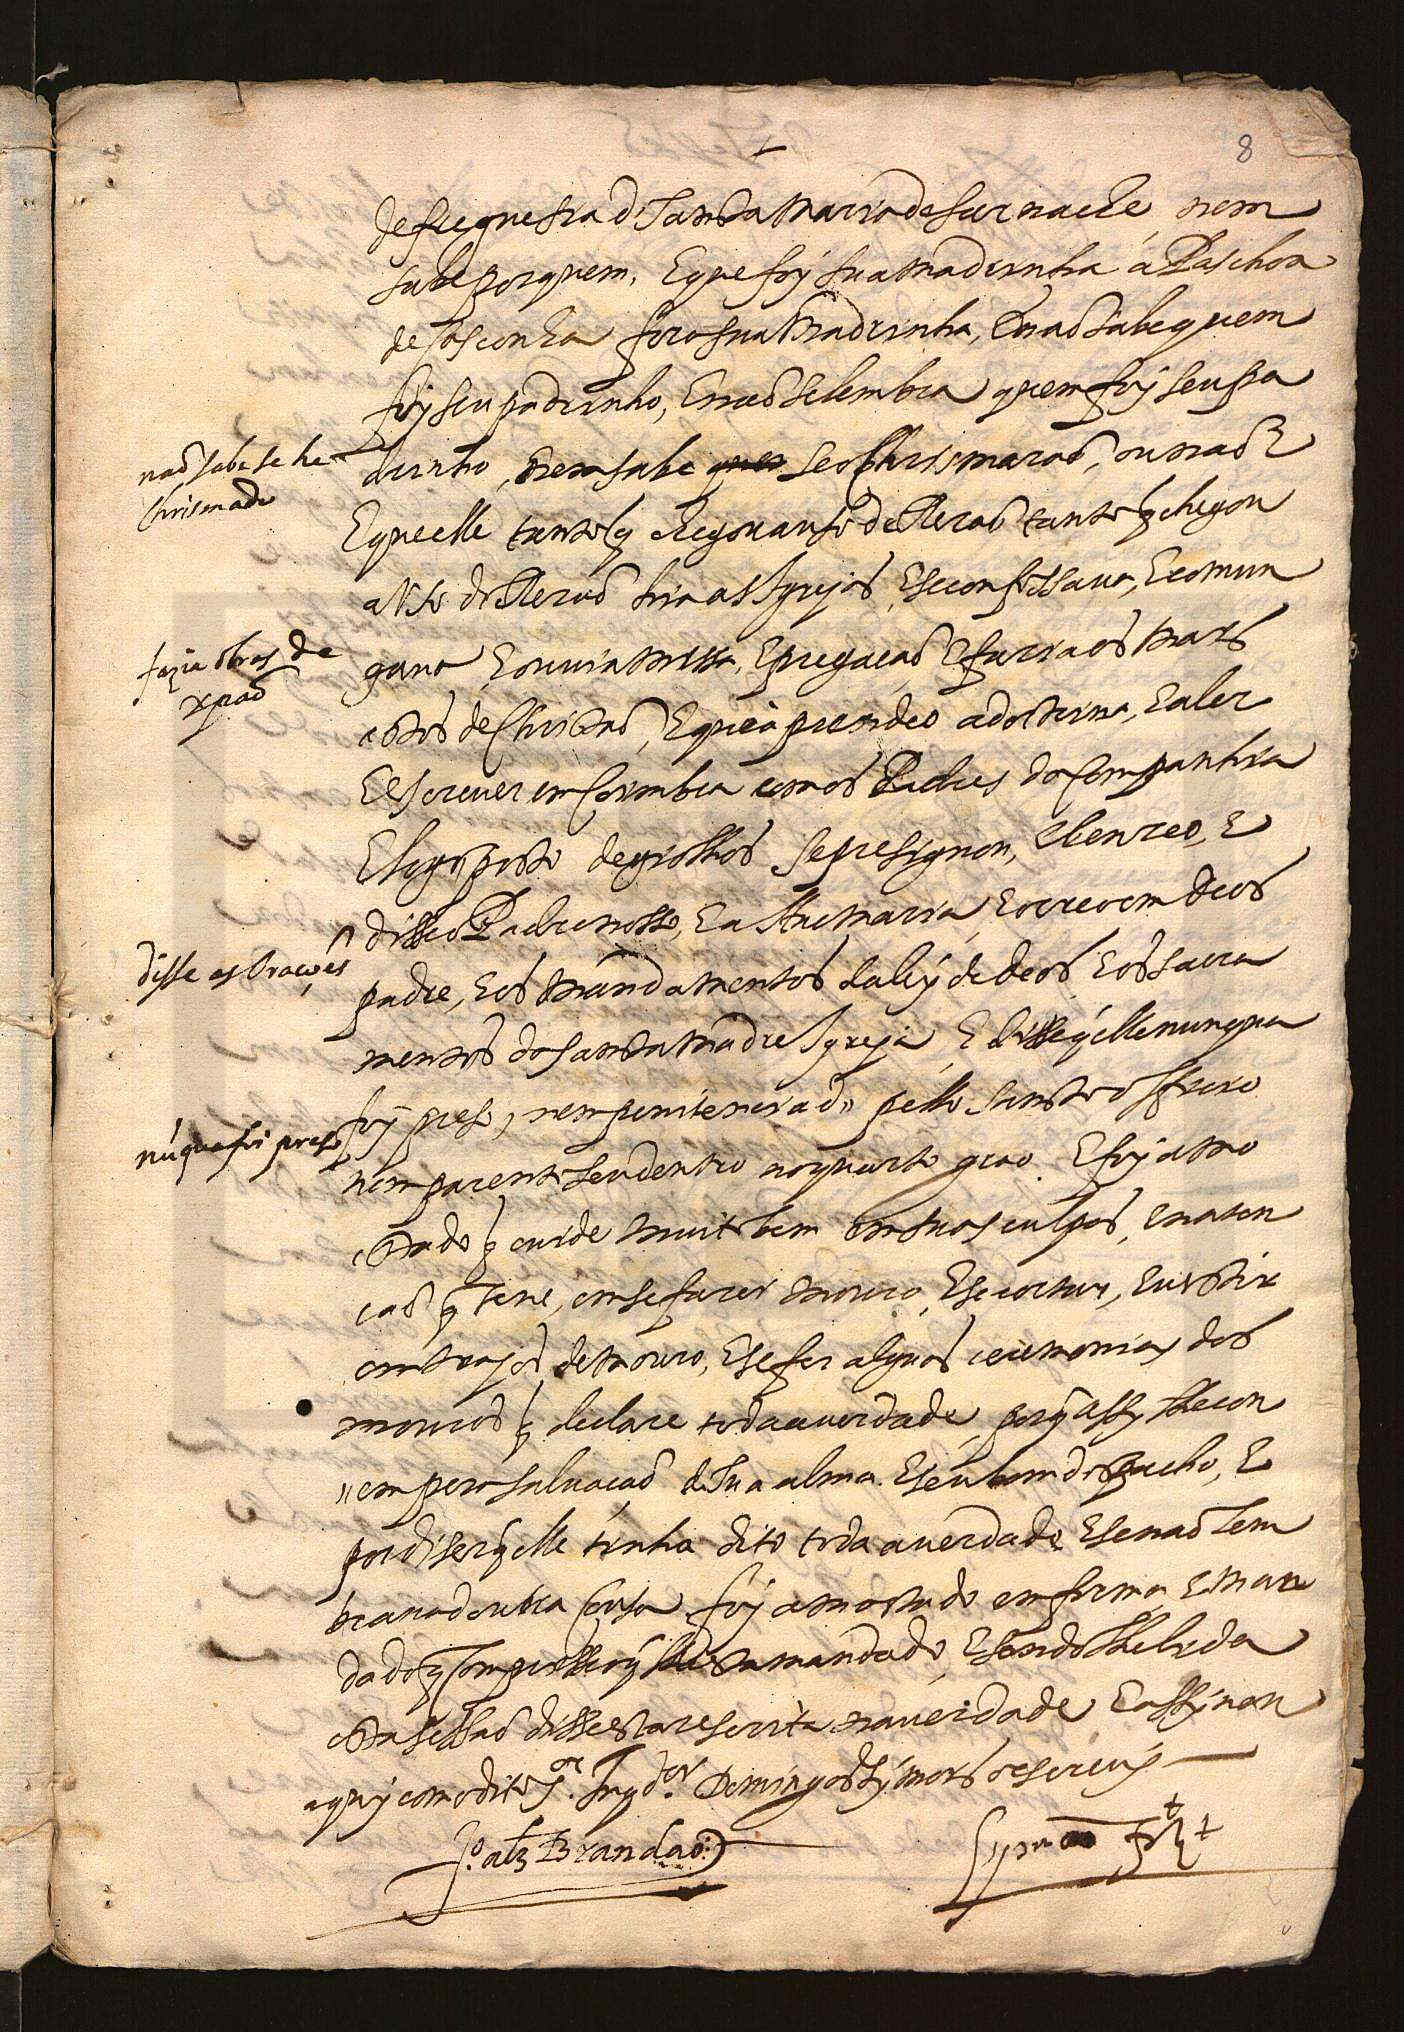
de freguesia de Sancta Maria de Sarnache, nem
sabe por quem, E que foy sua madrinha a Paschoa
de Casconha fora sua Madrinha, E naõ sabe quem
foy seu padrinho, E naõ se lembra quem foy seu pa
drinho, nem sabe que se o Chrismaraõ, ou naõ
naõ sabe se he
Chrismado
E que elle tanto q̄ chegou a uso de Rezaõ tanto q̄ chegou
a Vso de Rezaõ hia as Igrejas, E se confessaua, E comun
gaua, E ouuia missa E pregaçaõ e fazia os mais
fazia obras de
xpaõ
actos de Christaõ, E que aprendeo a doctrina, E a ler
E escreuer em Coimbra com os Padres da Companhia
E logo posto de giolhos se presignou, E benzeo, E
disse o Padre nosso, E a Aue maria, e o creo em Deos
disse as Oraçoẽs
padre, E os Mandamentos da ley de deos, E os sacra
mentos da sancta madre Igreja, E disse q̄ elle nunqua
nūqua foi preso
foy preso, nem penitenciado pello sancto officio
nem parente seu dentro no quarto grao. E foy amo
estado q̄ cuide muito bem em suas culpas, e na ten
çaõ q̄ teue, em se fazer mouro, E se cortar, E uestir
em trajos de mouro, E se fez alguas̄ ceremonias dos
mouros q̄ declare toda a uerdade, porq̄ assy lhe con
uem pera saluaçaõ de sua alma E seu bom despacho, E
por diser q̄ elle tinha dito toda a uerdade E se naõ lem
braua doutra Cousa foj amostado em forma E man
dado q̄ Comprisse o q̄ lhe esta mandado, E sendolhe lida
esta sessaõ disse estar escrita na uerdade E assynou
aquy com o dito Sor. Inqd.or Domingos Symois o escreuj
J.o al̄z Brandaõ
Sijmão frz
